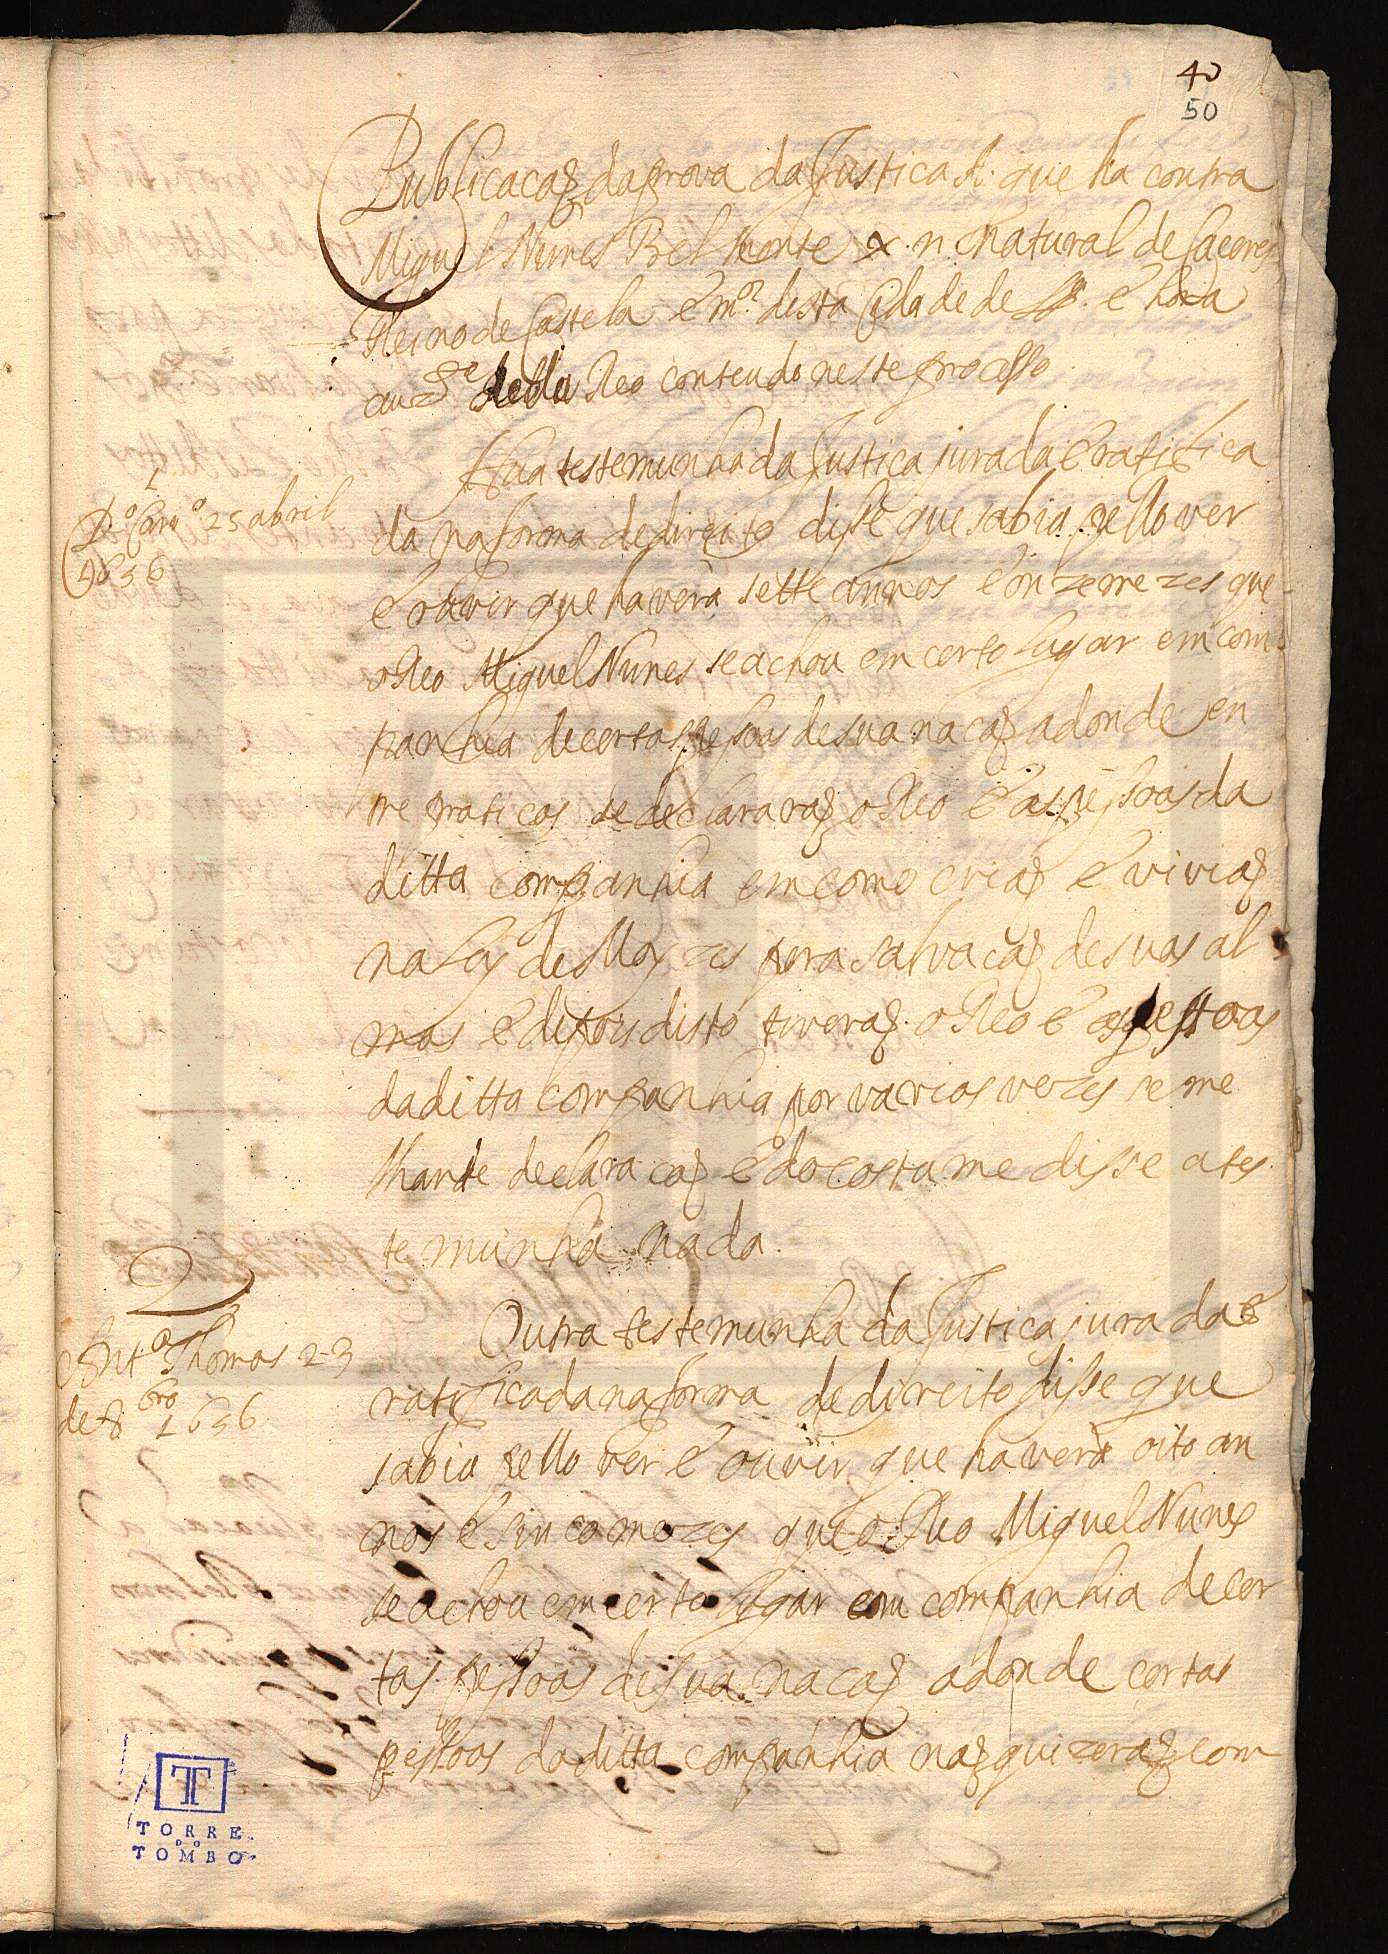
Do Carvo 25 abril
1656
Anta Thomas 23
de 8bro 1656
Publicacaõ da prova da Justica A. que ha contra
Miguel Nunes Belmonte x. n. natural de Caceres
Reino de Castela e mor desta Cidade de Lxa e hora
auzte della Reo conteudo neste processo
Hua testemunha da Justica jurada e ratifica
da na forma de direito disse que sabia pello ver
e ouvir que hauera sette annos e onze mezes que
o Reo Miguel Nunes se achou em certo lugar em com
panhia de certas pessoas de sua naçaõ adonde en
tre praticas se declararaõ o Reo e as pessoas da
ditta companhia em como criaõ e viviaõ
na Ley de Moyzes pera salvação de suas al
mas e depois disto tiveraõ o Reo e as pessoas
da ditta companhia por varias vezes seme
lhante declaraçaõ e do costume disse a tes
temunha nada.
Outra testemunha da Justica jurada e
ratificada na forma de direito disse que
sabia pello ver e ouuir que havera oito an
nos e sinco mezes que o Reo Miguel Nunes
se achou em certo lugar em companhia de cer
tas pessoas de sua naçaõ adonde certas
pessoas da ditta companhia naõ quizeraõ com
